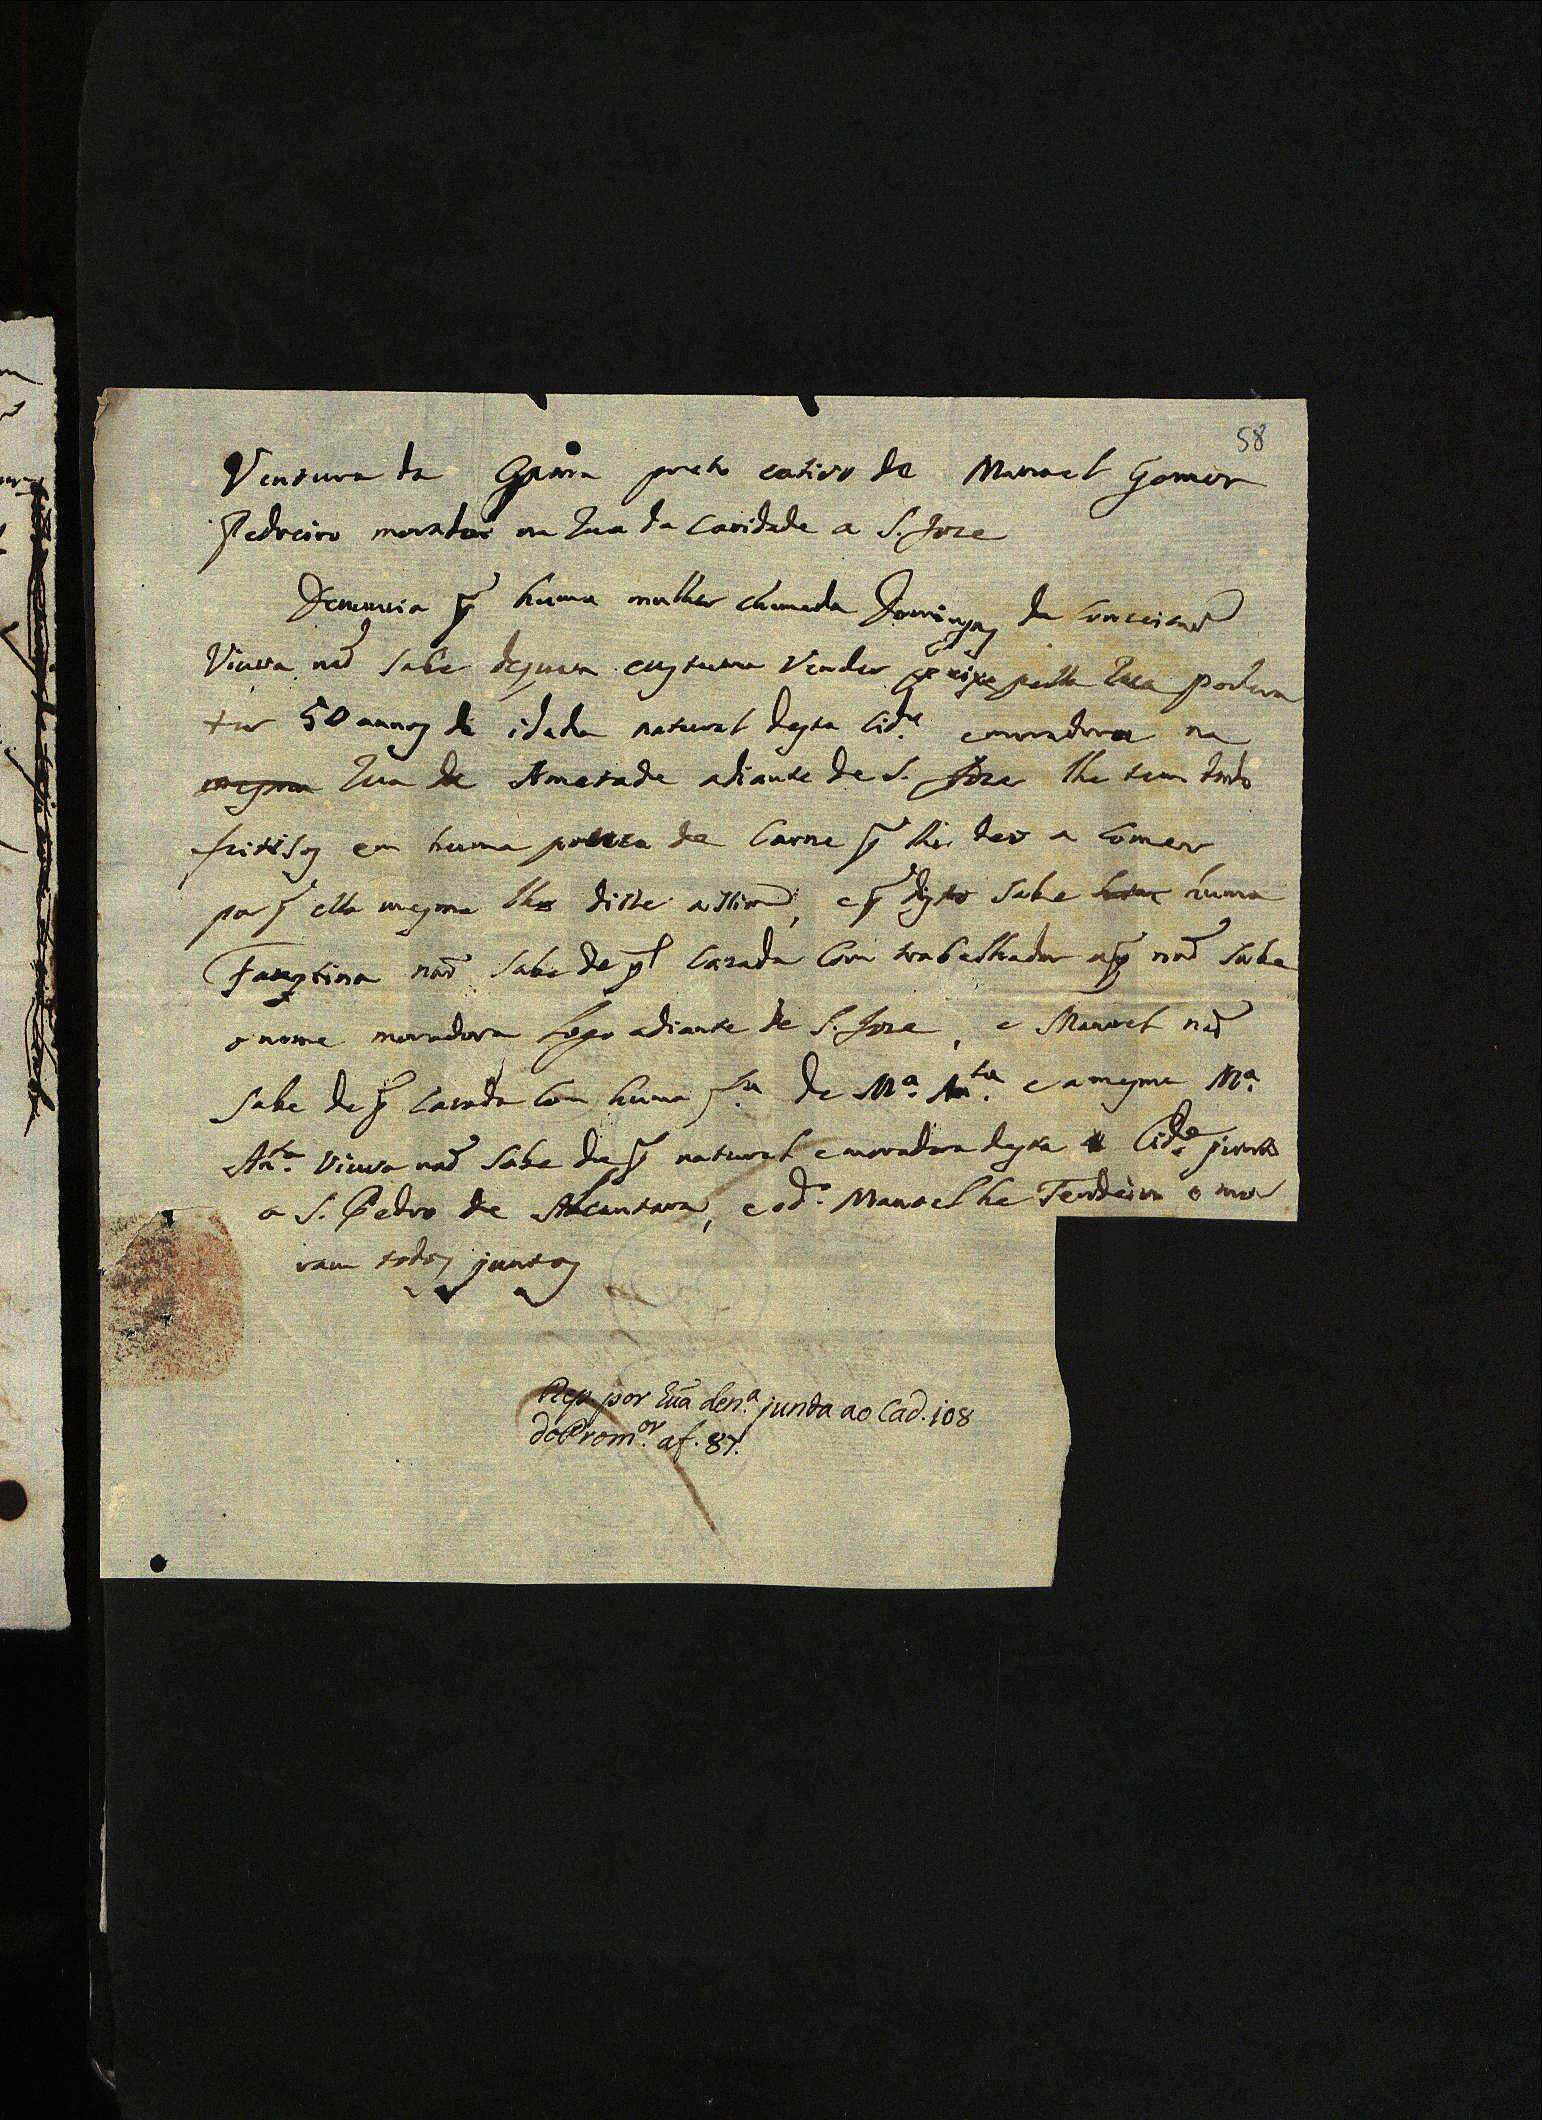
Ventura da Garra preto cativo de Manoel Gomez
Pedreiro morador na Rua da caridade a S. Joze
Denuncia q̄ huma mulher chamada Domingas da Conceiçaõ
Viuva naõ sabe de quem custuma vender peixe pella Rua podera
ter 5O annos de idade natural desta Cid.e e moradora na
mesma Rua da Ametade a diante de S. Joze lhe tem dando
feitisos em huma pouca de Carne q̄ lhes deo a comer
por q̄ ella mesma lhes disse assim, e q̄ disto sabe hum huma
Faustina naõ sabe de q̄ cazada Com trabalhador a q̄ naõ sabe
o nome moradora Logo adiante de S. Joze, e Manoel naõ
sabe de q̄ Cazado Com huma f.a de M.a An.ta e a mesma M.a
An.ta viuva naõ sabe de q̄ natural e moradora desta _ Cid.e junto
a S. Pedro de Alcantara, e o d.o Manoel he Tendeiro e mor
ram todos juntos
Rep. por hūa den.a junta ao Cad. i08
do Prom.or a f. 87.
